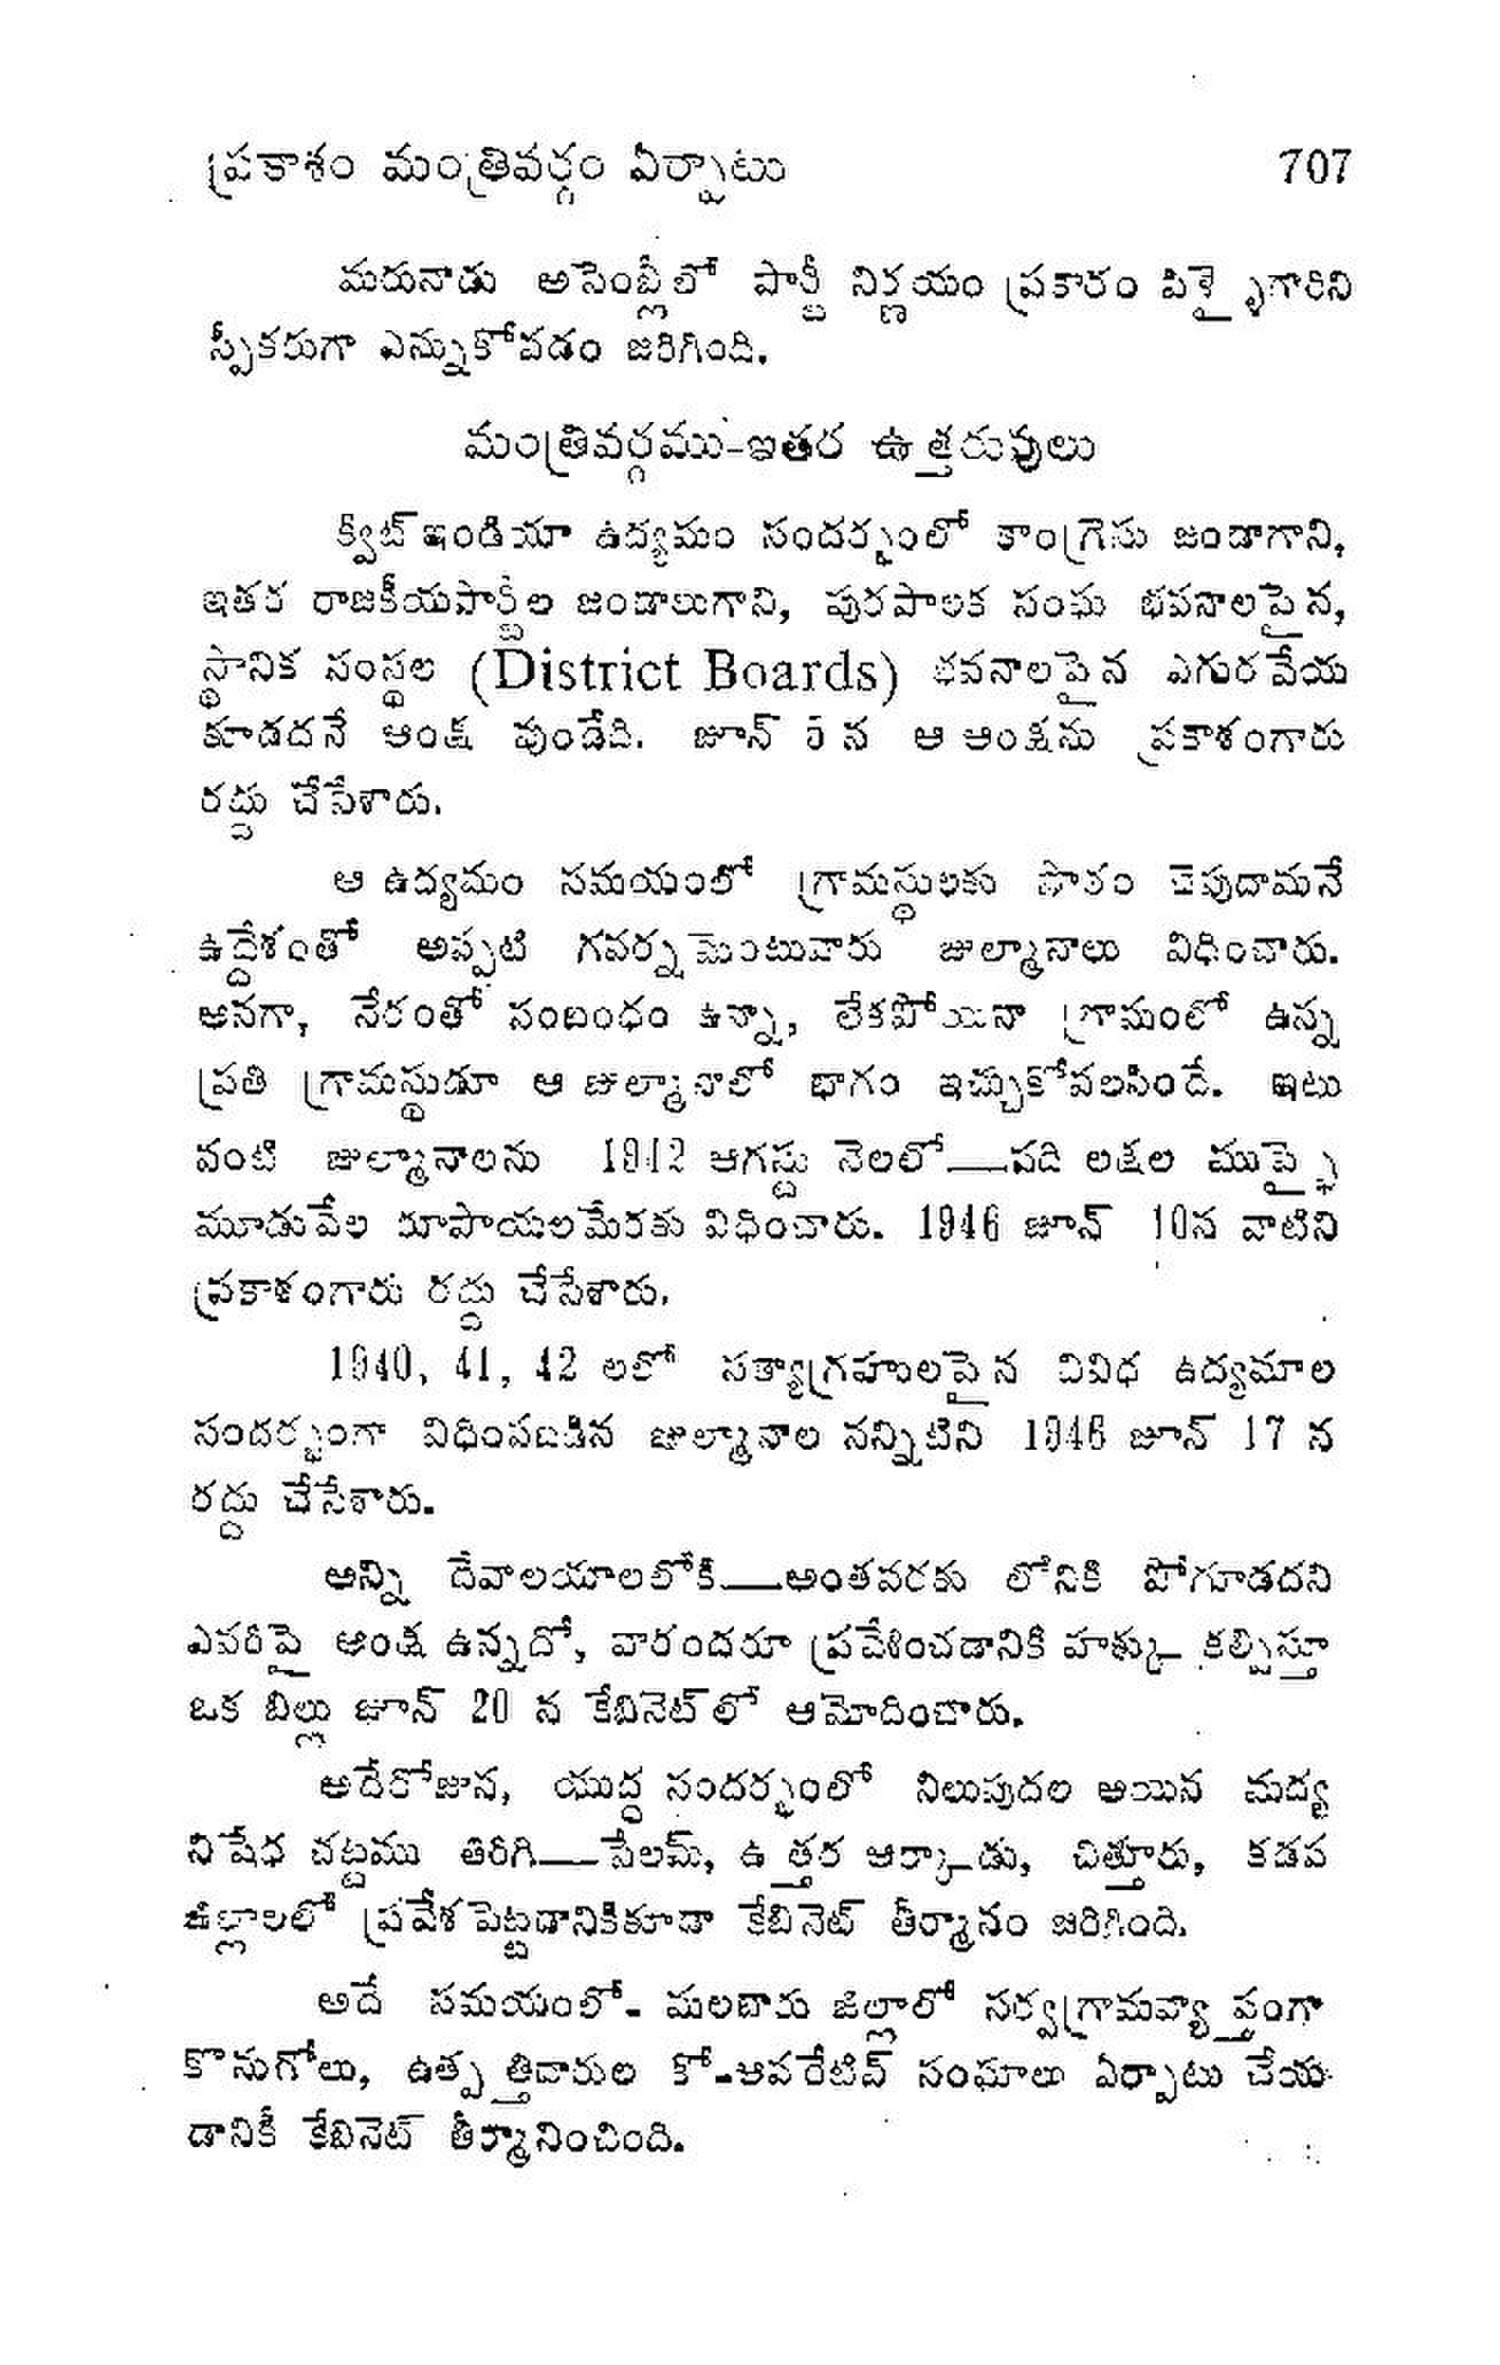మరునాడు అసెంబ్లీలో పార్టీ నిర్ణయం ప్రకారం పిళ్ళైగారిని స్పీకరుగా ఎన్నుకోవడం జరిగింది.

క్విట్ ఇండియా ఉద్యమం సందర్భంలో కాంగ్రెసు జండాగాని, ఇతర రాజకీయపార్టీల జండాలుగాని, పురపాలక సంఘ భవనాలపైన, స్థానిక సంస్థల (District Boards) భవనాలపైన ఎగురవేయ కూడదనే ఆంక్ష వుండేది. జూన్ 5 న ఆ ఆంక్షను ప్రకాశంగారు రద్దు చేసేశారు.

ఆ ఉద్యమం సమయంలో గ్రామస్థులకు పాఠం చెపుదామనే ఉద్దేశంతో అప్పటి గవర్నమెంటువారు జుల్మానాలు విధించారు. అనగా, నేరంతో సంబంధం ఉన్నా, లేకపోయినా గ్రామంలో ఉన్న ప్రతి గ్రామస్థుడూ ఆ జుల్మానాలో భాగం ఇచ్చుకోవలసిందే. ఇటువంటి జుల్మానాలను 1942 ఆగస్టు నెలలో - పది లక్షల ముప్పై మూడువేల రూపాయలమేరకు విధించారు. 1946 జూన్ 10 న వాటిని ప్రకాశంగారు రద్దు చేసేశారు.

1940, 41, 42 లలో సత్యాగ్రహులపైన వివిధ ఉద్యమాల సందర్భంగా విధింపబడిన జుల్మానాల నన్నిటిని 1946 జూన్ 17 న రద్దు చేసేశారు.

అన్ని దేవాలయాలలోకి - అంతవరకు లోనికి పోగూడదని ఎవరిపై ఆంక్ష ఉన్నదో, వారందరూ ప్రవేశించడానికి హక్కు కల్పిస్తూ ఒక బిల్లు జూన్ 20 న కేబినెట్‌లో ఆమోదించారు.

అదేరోజున, యుద్ధ సందర్భంలో నిలుపుదల అయిన మద్య నిషేధ చట్టము తిరిగి - సేలమ్, ఉత్తర ఆర్కాడు, చిత్తూరు, కడప జిల్లాలలో ప్రవేశ పెట్టడానికికూడా కేబినెట్ తీర్మానం జరిగింది.

అదే సమయంలో - మలబారు జిల్లాలో సర్వగ్రామవ్యాప్తంగా కొనుగోలు, ఉత్పత్తిదారుల కో - ఆపరేటివ్ సంఘాలు ఏర్పాటు చేయడానికీ కేబినెట్ తీర్మానించింది.